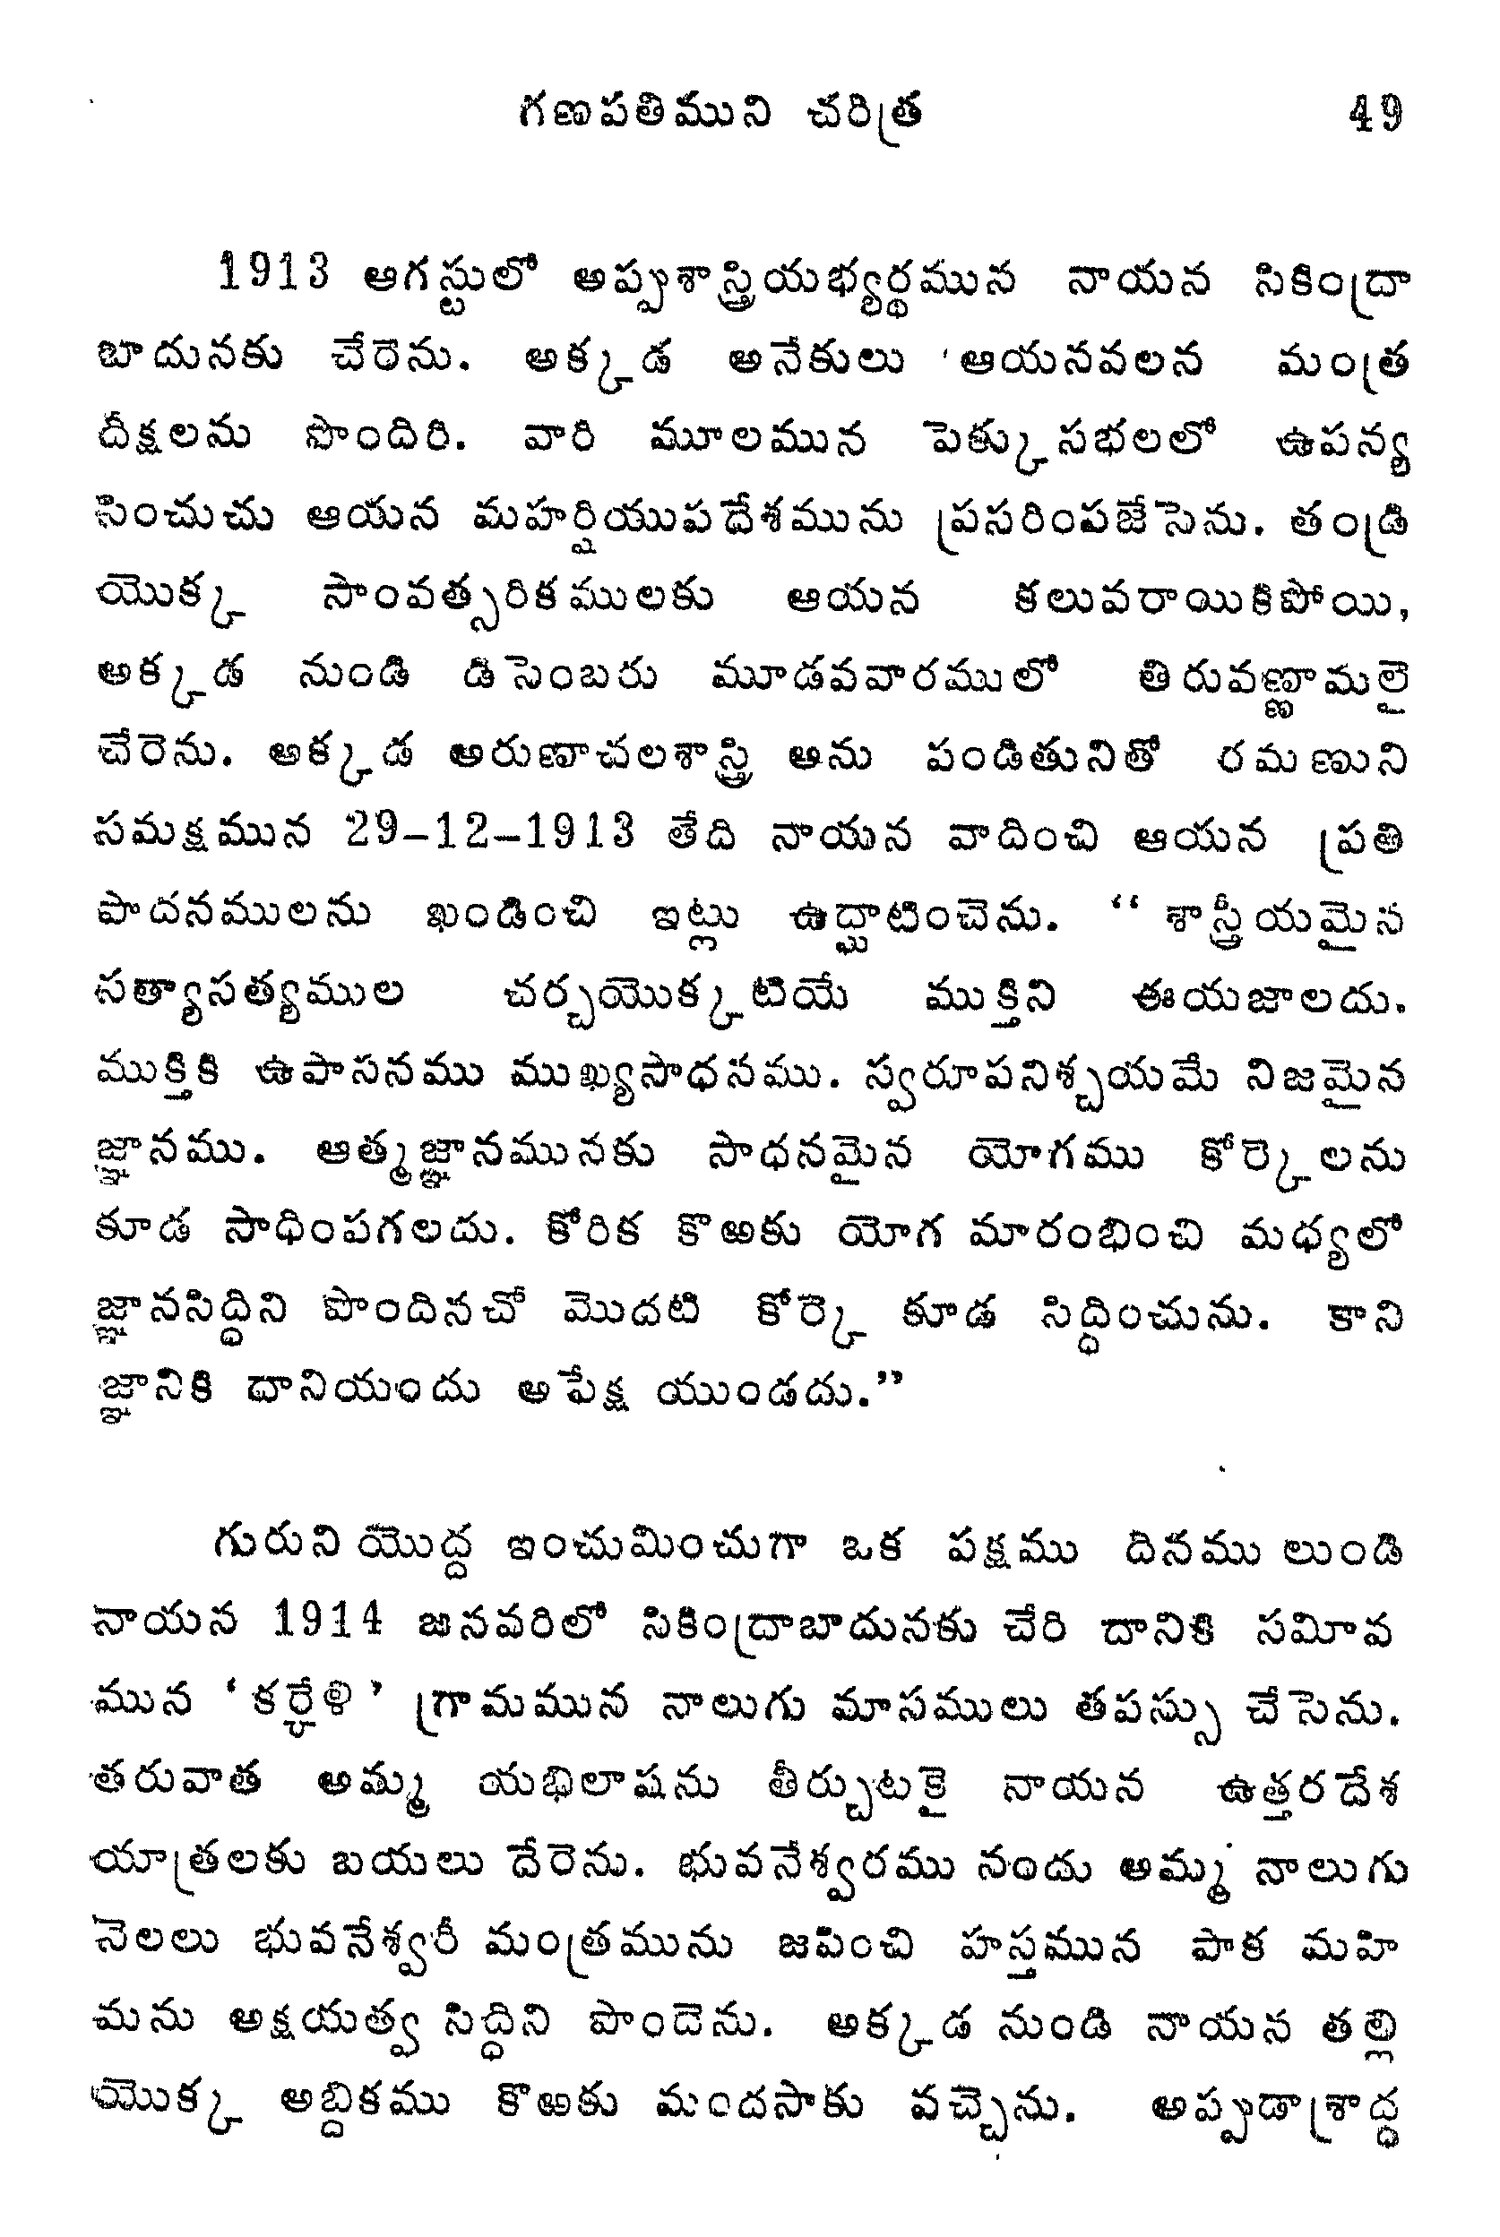1913 ఆగష్టులో అప్పుశాస్త్రియభ్యర్థమున నాయన సికింద్రాబాదునకు చేరెను. అక్కడ అనేకులు ఆయనవలన మంత్ర దీక్షలను పొందిరి. వారి మూలమున పెక్కుసభలలో ఉపన్యసించుచు ఆయన మహర్షియుపదేశమును ప్రసరింపజేసెను. తండ్రియొక్క సాంవత్సరికములకు ఆయన కలువఱాయికి పోయి, అక్కడ నుండి డిసెంబరు మూడవవారములో తిరువణ్ణామలై చేరెను. అక్కడ అరుణాచలశాస్త్రి అను పండితునితో రమణుని సమక్షమున 29-12-1913 తేది నాయన వాదించి ఆయన ప్రతి పాదనములను ఖండించి ఇట్లు ఉద్ఘాటించెను. "శాస్త్రీయమైన సత్యాసత్యముల చర్చయొక్కటియే ముక్తిని ఈయజాలదు. ముక్తికి ఉపాసనము ముఖ్యసాధనము. స్వరూపనిశ్చయమే నిజమైన జ్ఞానము. ఆత్మజ్ఞానమునకు సాధనమైన యోగము కోర్కెలను కూడ సాధింపగలదు. కోరిక కొఱకు యోగ మారంభించి మధ్యలో జ్ఞానసిద్ధిని పొందినచో మొదటి కోర్కె కూడ సిద్ధించును. కాని జ్ఞానికి దానియందు అపేక్ష యుండదు.

గురునియొద్ద ఇంచుమించుగా ఒక పక్షము దినము లుండి నాయన 1914 జనవరిలో సికింద్రాబాదునకు చేరి దానికి సమీపమున 'కర్కేళి' గ్రామమున నాలుగు మాసములు తపస్సు చేసెను. తరువాత అమ్మ యభిలాషను తీర్చుటకై నాయన ఉత్తరదేశ యాత్రలకు బయలు దేరెను. భువనేశ్వరము నందు అమ్మ నాలుగు నెలలు భువనేశ్వరీ మంత్రమును జపించి హస్తమున పాక మహిమను అక్షయత్వ సిద్ధిని పొందెను. అక్కడ నుండి నాయన తల్లి యొక్క అబ్దికము కొఱకు మందసాకు వచ్చెను. అప్పుడాశ్రాద్ధ